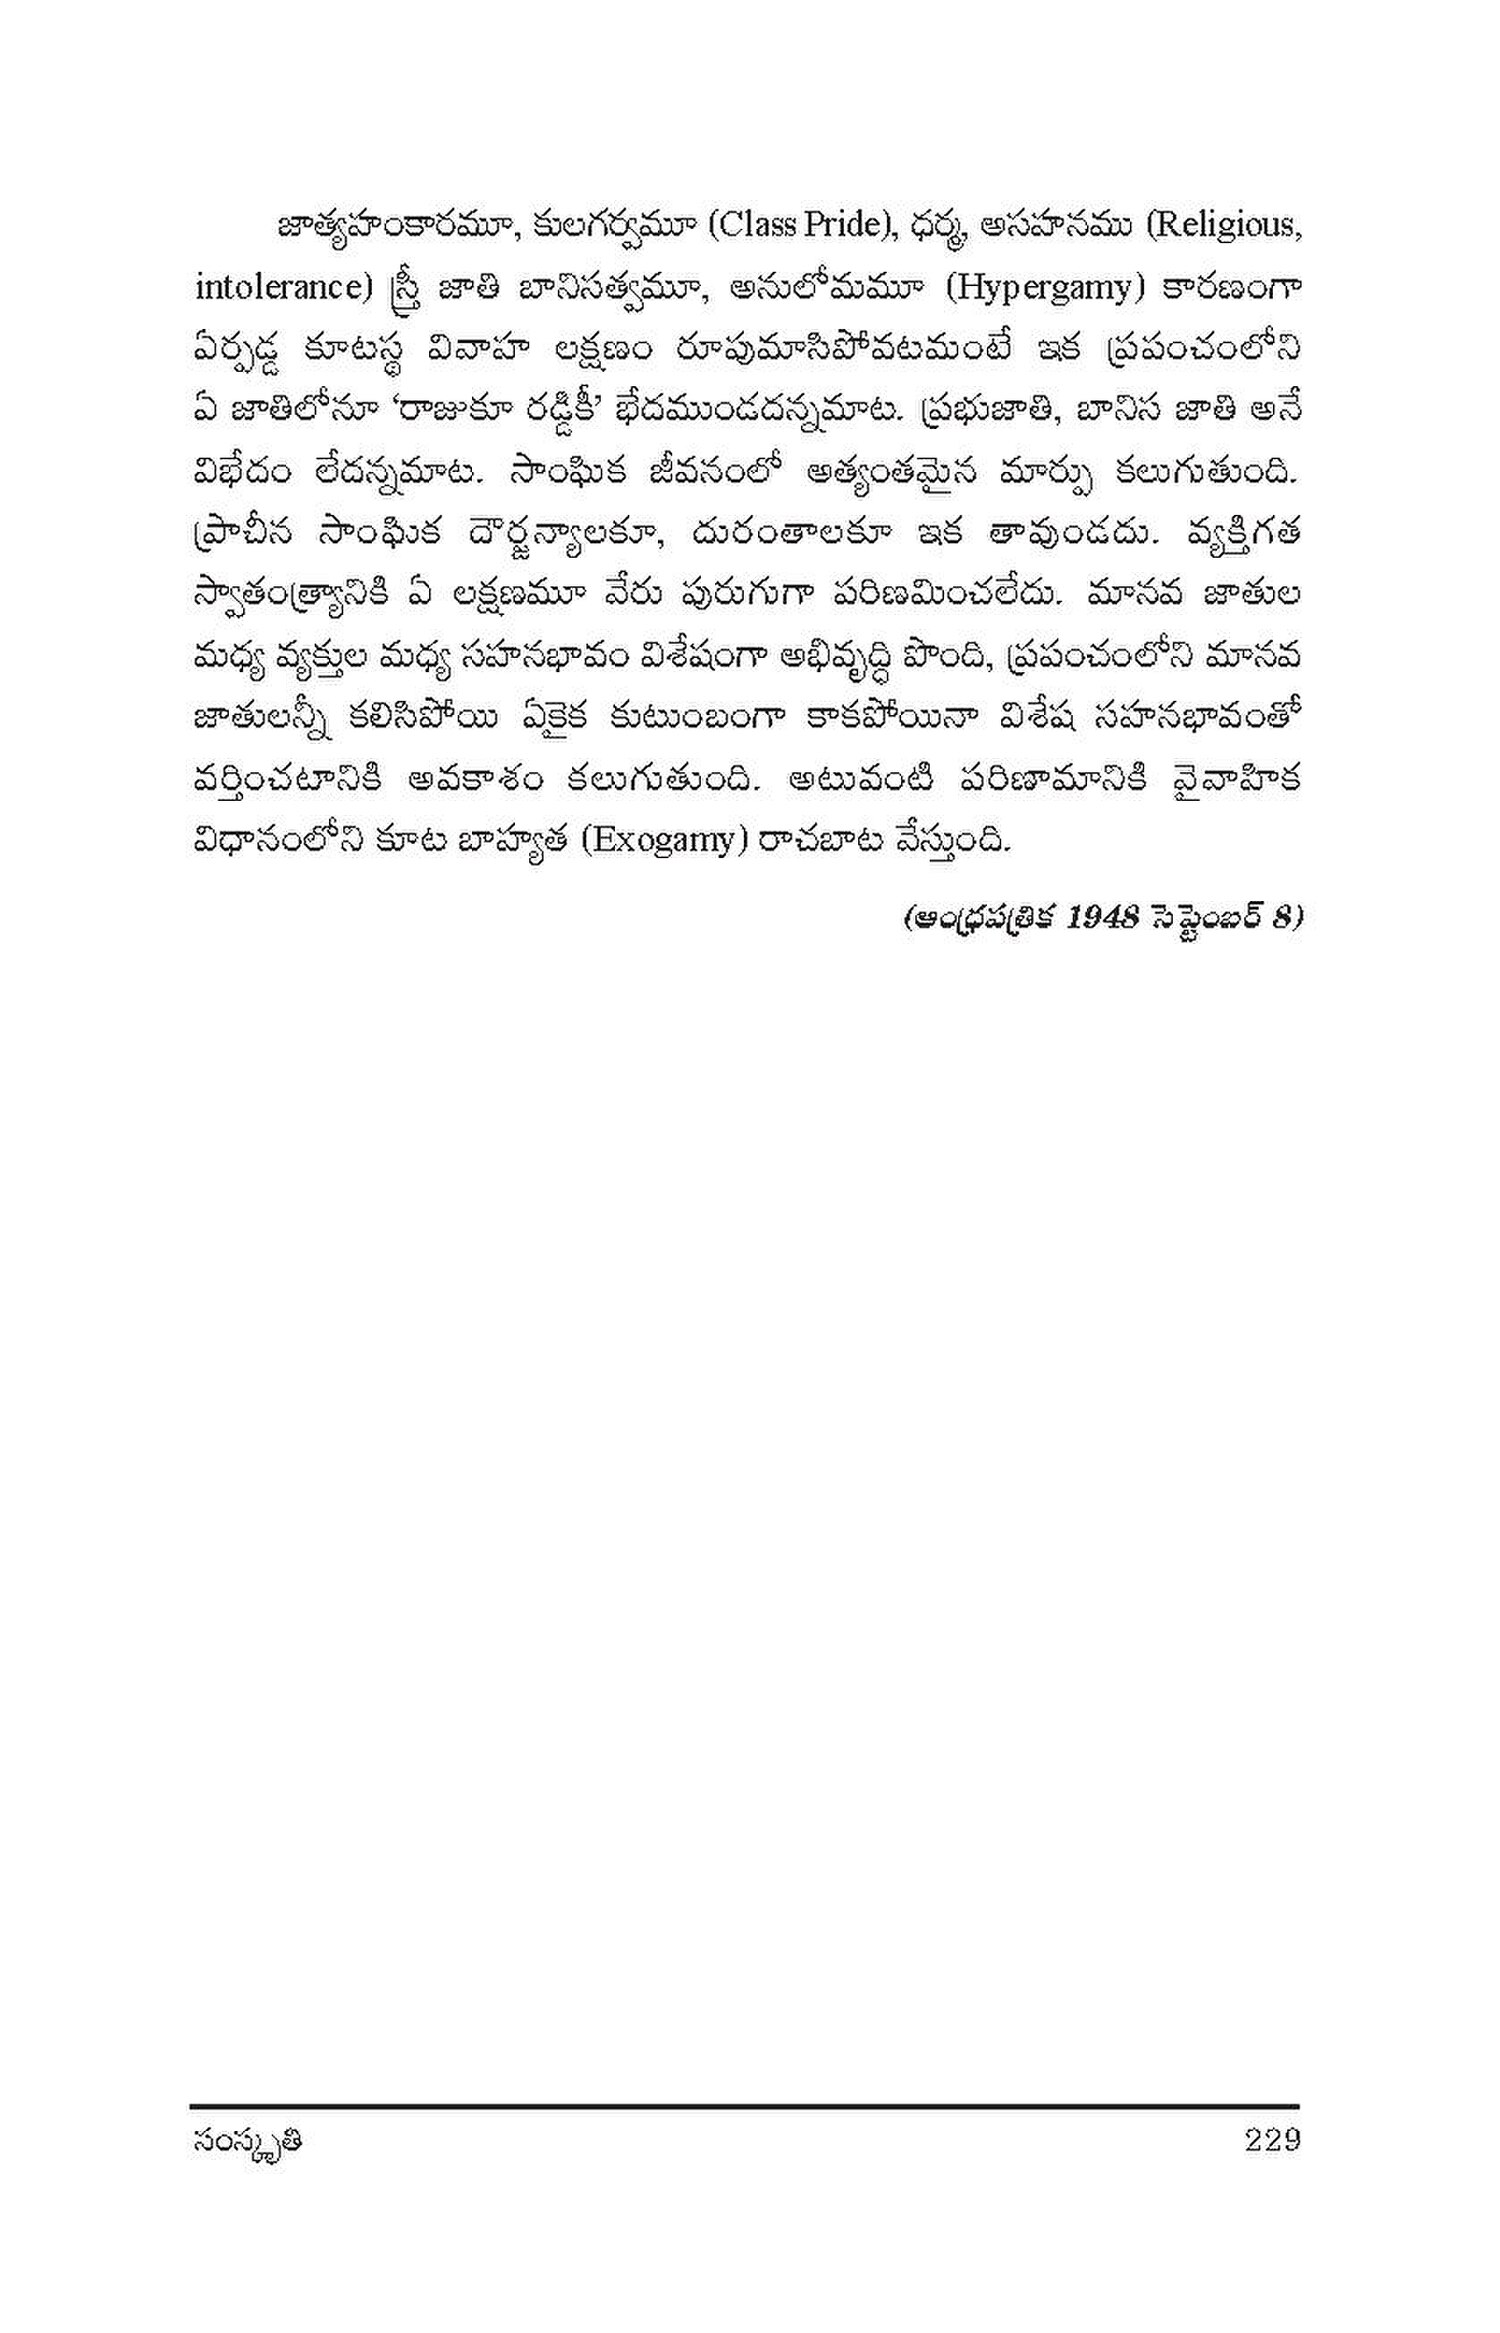జాత్యహంకారమూ, కులగర్వమూ (Class Pride), ధర్మ, అసహనము (Religious,
intolerance) స్త్రీ జాతి బానిసత్వమూ, అనులోమమూ (Hypergamy) కారణంగా
ఏర్పడ్డ కూటస్థ వివాహ లక్షణం రూపుమాసిపోవటమంటే ఇక ప్రపంచంలోని
ఏ జాతిలోనూ 'రాజుకూ రడ్డికీ' భేదముండదన్నమాట. ప్రభుజాతి, బానిస జాతి అనే
విభేదం లేదన్నమాట. సాంఘిక జీవనంలో అత్యంతమైన మార్పు కలుగుతుంది.
ప్రాచీన సాంఘిక దౌర్జన్యాలకూ, దురంతాలకూ ఇక తావుండదు. వ్యక్తిగత
స్వాతంత్య్రానికి ఏ లక్షణమూ వేరు పురుగుగా పరిణమించలేదు. మానవ జాతుల
మధ్య వ్యక్తుల మధ్య సహనభావం విశేషంగా అభివృద్ధి పొంది, ప్రపంచంలోని మానవ
జాతులన్నీ కలిసిపోయి ఏకైక కుటుంబంగా కాకపోయినా విశేష సహనభావంతో
వర్తించటానికి అవకాశం కలుగుతుంది. అటువంటి పరిణామానికి వైవాహిక
విధానంలోని కూట బాహ్యత (Exogamy) రాచబాట వేస్తుంది.